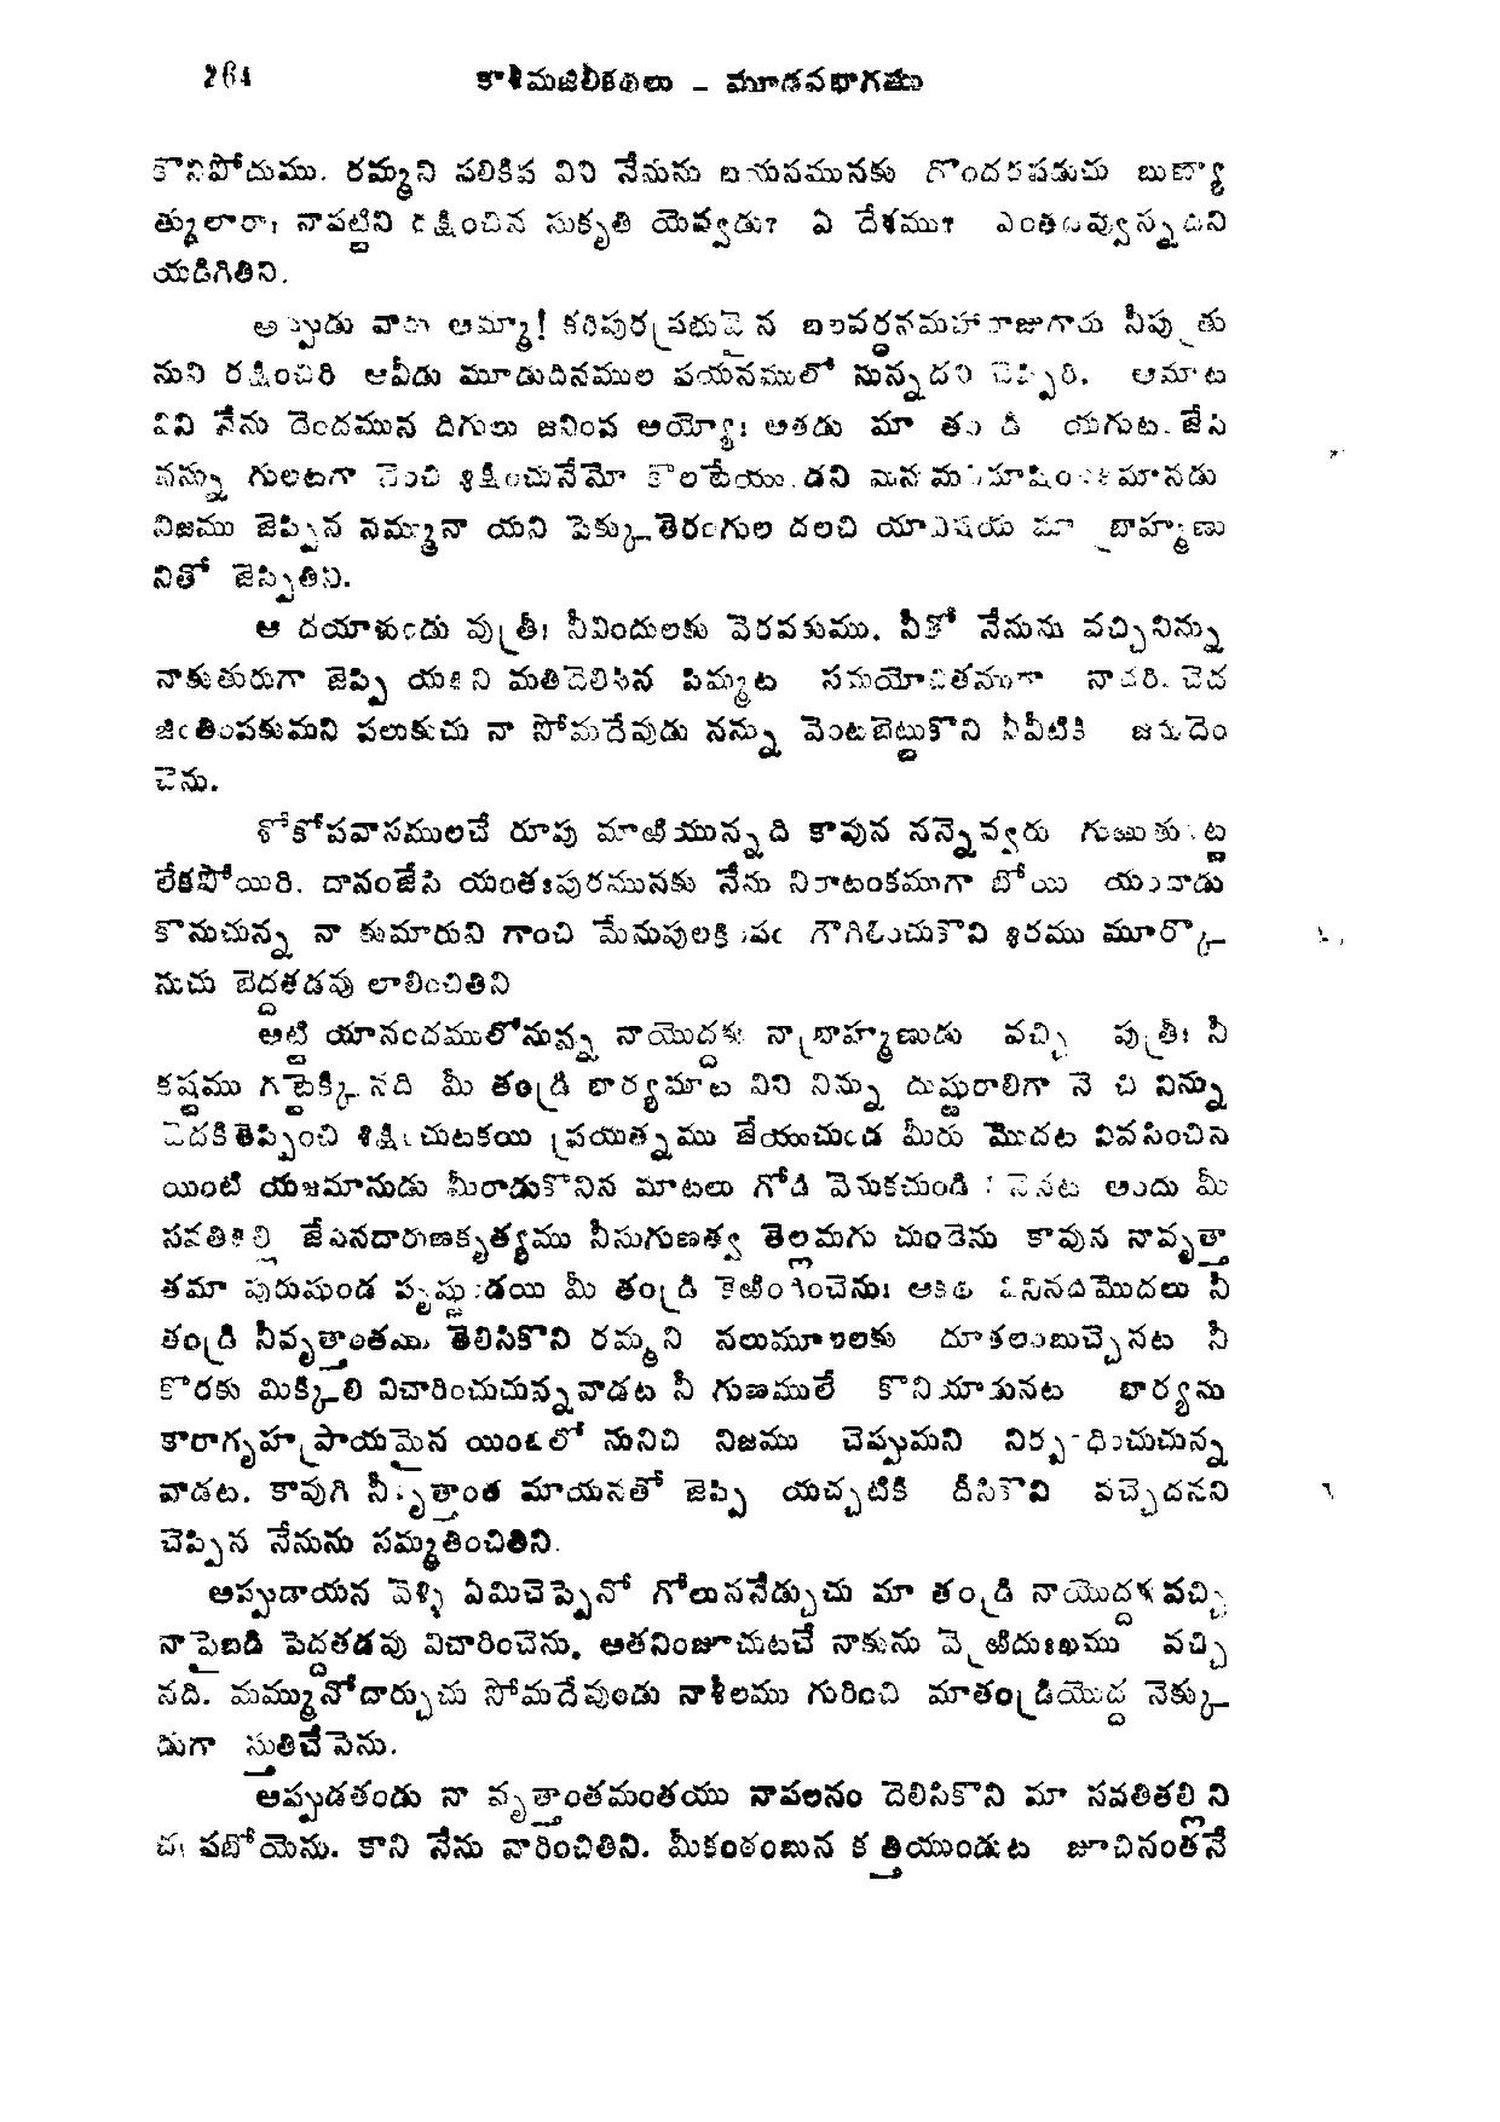కొనిపోదుము. రమ్మని పలికిన విని నేనును బయనమునకు దొందరపడుచు బుణ్యాత్ములారా? నాపట్టిని రక్షించిన సుకృతి యెవ్వడు? ఏ దేశము? ఎంతదవ్వున్నదని యడిగితిని.

అప్పుడు వారు అమ్మా! కరిపురప్రభువైన బలవర్ధనమహారాజుగారు నీపుత్రునుని రక్షించిరి ఆవీడు మూడుదినముల పయనములో నున్నదని చెప్పిరి. ఆమాటవిని నేను డెందమున దిగులు జనింప అయ్యో? అతడు మా తండ్రి యగుటంజేసి నన్ను గులటగా నెంచి శిక్షించునేమో కొలటేయుండని మనుమని దూషించకమానడు నిజము జెప్పిన నమ్మునా యని పెక్కు తెరంగుల దలచి యావిషయ మా బ్రాహ్మణునితో జెప్పితిని.

ఆ దయాళుండు పుత్రీ! నీవిందులకు వెరవకుము. నీతో నేనును వచ్చి నిన్ను నాకుతురుగా జెప్పి యతని మతిదెలిసిన పిమ్మట సమయోచితముగా నాదరించెద జింతింపకుమని పలుకుచు నా సోమదేవుడు నన్ను వెంటబెట్టుకొని నీవీటికి జనుదెంచెను.

శోకోపవాసములచే రూపు మాఱియున్నది కావున నన్నెవ్వరు గుఱుతుపట్టలేకపోయిరి. దానంజేసి యంతఃపురమునకు నేను నిరాటంకముగా బోయి యందాడుకొనుచున్న నా కుమారుని గాంచి మేనుపులకింపఁ గౌగిలించుకొని శిరము మూర్కొనుచు బెదతడవు లాలించితిని.

అట్టి యానందములోనున్న నాయొద్దకు నాబ్రాహ్మణుడు వచ్చి పుత్రీ! నీ కష్టము గట్టెక్కి నది మీ తండ్రి భార్యమాట విని నిన్ను దుష్టురాలిగా నెంచి నిన్ను వెదకితెప్పించి శిక్షించుటకయి ప్రయత్నము జేయుచుండ మీరు మొదట నివసించిన యింటి యజమానుడు మీరాడుకొనిన మాటలు గోడ వెనుకనుండి వినెనట అందు మీ సవతితల్లి జేసినదారుణకృత్యము నీసుగుణత్వ తెల్లమగు చుండెను కావున నావృత్తాంతమా పురుషుండ పృష్ణుండయి మీ తండ్రి కెఱింగించెను! ఆకథ వినినదిమొదలు నీ తండ్రి నీవృత్తాంతము తెలిసికొని రమ్మని నలుమూలలకు దూతలంబుచ్చెనట నీ కొరకు మిక్కిలి విచారించుచున్న వాడట నీ గుణములే కొనియాడునట భార్యను కారాగృహప్రాయమైన యింటిలో నునిచి నిజము చెప్పుమని నిర్బంధించుచున్న వాడట. కావున నీవృత్తాంత మాయనతో జెప్పి యచ్చటికి దీసికొని వచ్చెదనని చెప్పిన నేనును సమ్మతించితిని.

అప్పుడాయన వెళ్ళి ఏమిచెప్పెనో గోలుననేడ్చుచు మా తండ్రి నాయొద్దకువచ్చి నాపైబడి పెద్దతడవు విచారించెను. అతనింజూచుటచే నాకును వెఱ్ఱిదుఃఖము వచ్చినది. మమ్మునోదార్చుచు సోమదేవుండు నాశీలము గురించి మాతండ్రియొద్ద నెక్కుడుగా స్తుతిచేసెను.

అప్పుడతండు నా వృత్తాంతమంతయు నావలనం దెలిసికొని మా సవతితల్లిని చంపబోయెను. కాని నేను వారించితిని. మీకంఠంబున కత్తియుండుట జూచినంతనే